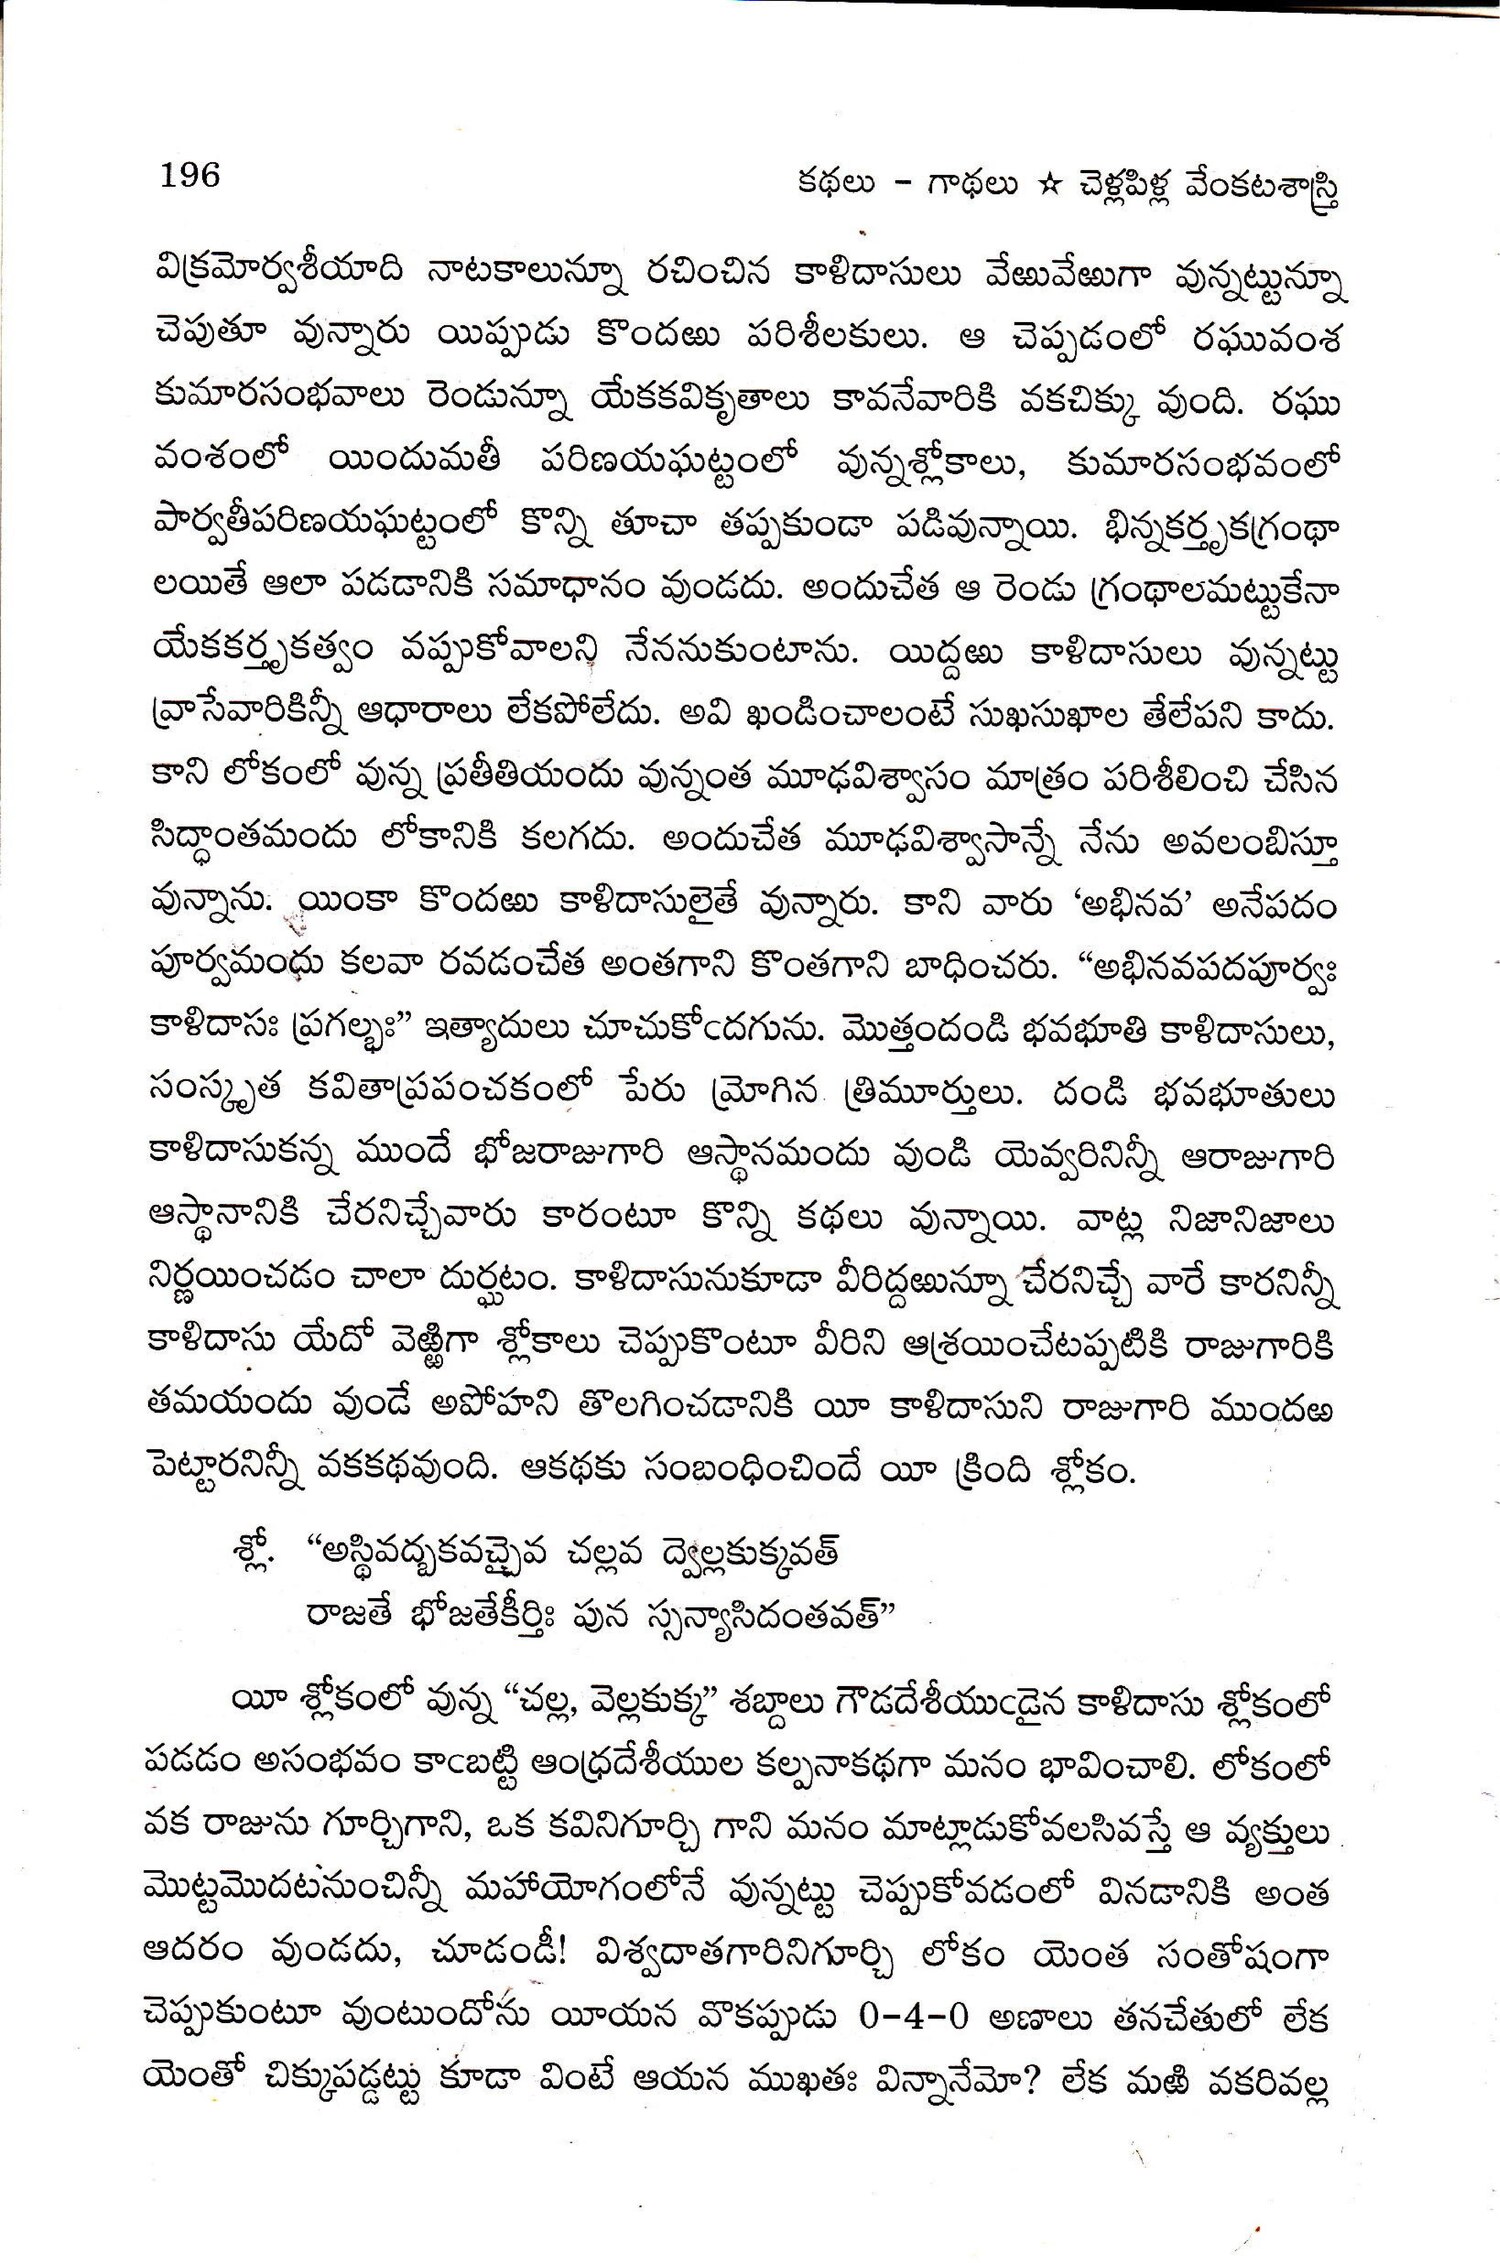విక్రమోర్వశీయాది నాటకాలున్నూ రచించిన కాళిదాసులు వేఱువేఱుగా వున్నట్టున్నూ చెపుతూ వున్నారు యిప్పుడు కొందఱు పరిశీలకులు. ఆ చెప్పడంలో రఘువంశ కుమారసంభవాలు రెండున్నూ యేకకవికృతాలు కావనేవారికి వకచిక్కు వుంది. రఘువంశంలో యిందుమతీ పరిణయఘట్టంలో వున్నశ్లోకాలు, కుమారసంభవంలో పార్వతీపరిణయఘట్టంలో కొన్ని తూచా తప్పకుండా పడివున్నాయి. భిన్నకర్తృకగ్రంథా లయితే ఆలా పడడానికి సమాధానం వుండదు. అందుచేత ఆ రెండు గ్రంథాలమట్టుకేనా యేకకర్తృకత్వం వప్పుకోవాలని నేననుకుంటాను. యిద్దఱు కాళిదాసులు వున్నట్టు వ్రాసేవారికిన్నీ ఆధారాలు లేకపోలేదు. అవి ఖండించాలంటే సుఖసుఖాల తేలేపని కాదు. కాని లోకంలో వున్న ప్రతీతియందు వున్నంత మూఢవిశ్వాసం మాత్రం పరిశీలించి చేసిన సిద్ధాంతమందు లోకానికి కలగదు. అందుచేత మూఢవిశ్వాసాన్నే నేను అవలంబిస్తూ వున్నాను. యింకా కొందఱు కాళిదాసులైతే వున్నారు. కాని వారు 'అభినవ' అనేపదం పూర్వమంధు కలవా రవడంచేత అంతగాని కొంతగాని బాధించరు. "అభినవపదపూర్వః కాళిదాసః ప్రగల్భః" ఇత్యాదులు చూచుకోఁదగును. మొత్తందండి భవభూతి కాళిదాసులు, సంస్కృత కవితాప్రపంచకంలో పేరు మ్రోగిన త్రిమూర్తులు. దండి భవభూతులు కాళిదాసుకన్న ముందే భోజరాజుగారి ఆస్థానమందు వుండి యెవ్వరినిన్నీ ఆరాజుగారి ఆస్థానానికి చేరనిచ్చేవారు కారంటూ కొన్ని కథలు వున్నాయి. వాట్ల నిజానిజాలు నిర్ణయించడం చాలా దుర్ఘటం. కాళిదాసునుకూడా వీరిద్దఱున్నూ చేరనిచ్చే వారే కారనిన్నీ కాళిదాసు యేదో వెఱ్ఱిగా శ్లోకాలు చెప్పుకొంటూ వీరిని ఆశ్రయించేటప్పటికి రాజుగారికి తమయందు వుండే అపోహని తొలగించడానికి యీ కాళిదాసుని రాజుగారి ముందఱ పెట్టారనిన్నీ వకకథవుంది. ఆకథకు సంబంధించిందే యీ క్రింది శ్లోకం.

శ్లో. “అస్థివద్బకవచ్చైవ చల్లవ ద్వెల్లకుక్కవత్
 రాజతే భోజతేకీర్తిః పున స్సన్యాసిదంతవత్"
యీ శ్లోకంలో వున్న"చల్ల, వెల్లకుక్క" శబ్దాలు గౌడదేశీయుఁడైన కాళిదాసు శ్లోకంలో పడడం అసంభవం కాఁబట్టి ఆంధ్రదేశీయుల కల్పనాకథగా మనం భావించాలి. లోకంలో వక రాజును గూర్చిగాని, ఒక కవినిగూర్చి గాని మనం మాట్లాడుకోవలసివస్తే ఆ వ్యక్తులు మొట్టమొదటనుంచిన్నీ మహాయోగంలోనే వున్నట్టు చెప్పకోవడంలో వినడానికి అంత ఆదరం వుండదు, చూడండీ! విశ్వదాతగారినిగూర్చి లోకం యెంత సంతోషంగా చెప్పుకుంటూ వుంటుందోను యీయన వొకప్పుడు 0-4-0 అణాలు తనచేతులో లేక యెంతో చిక్కుపడ్డట్టు కూడా వింటే ఆయన ముఖతః విన్నానేమో? లేక మఱి వకరివల్ల